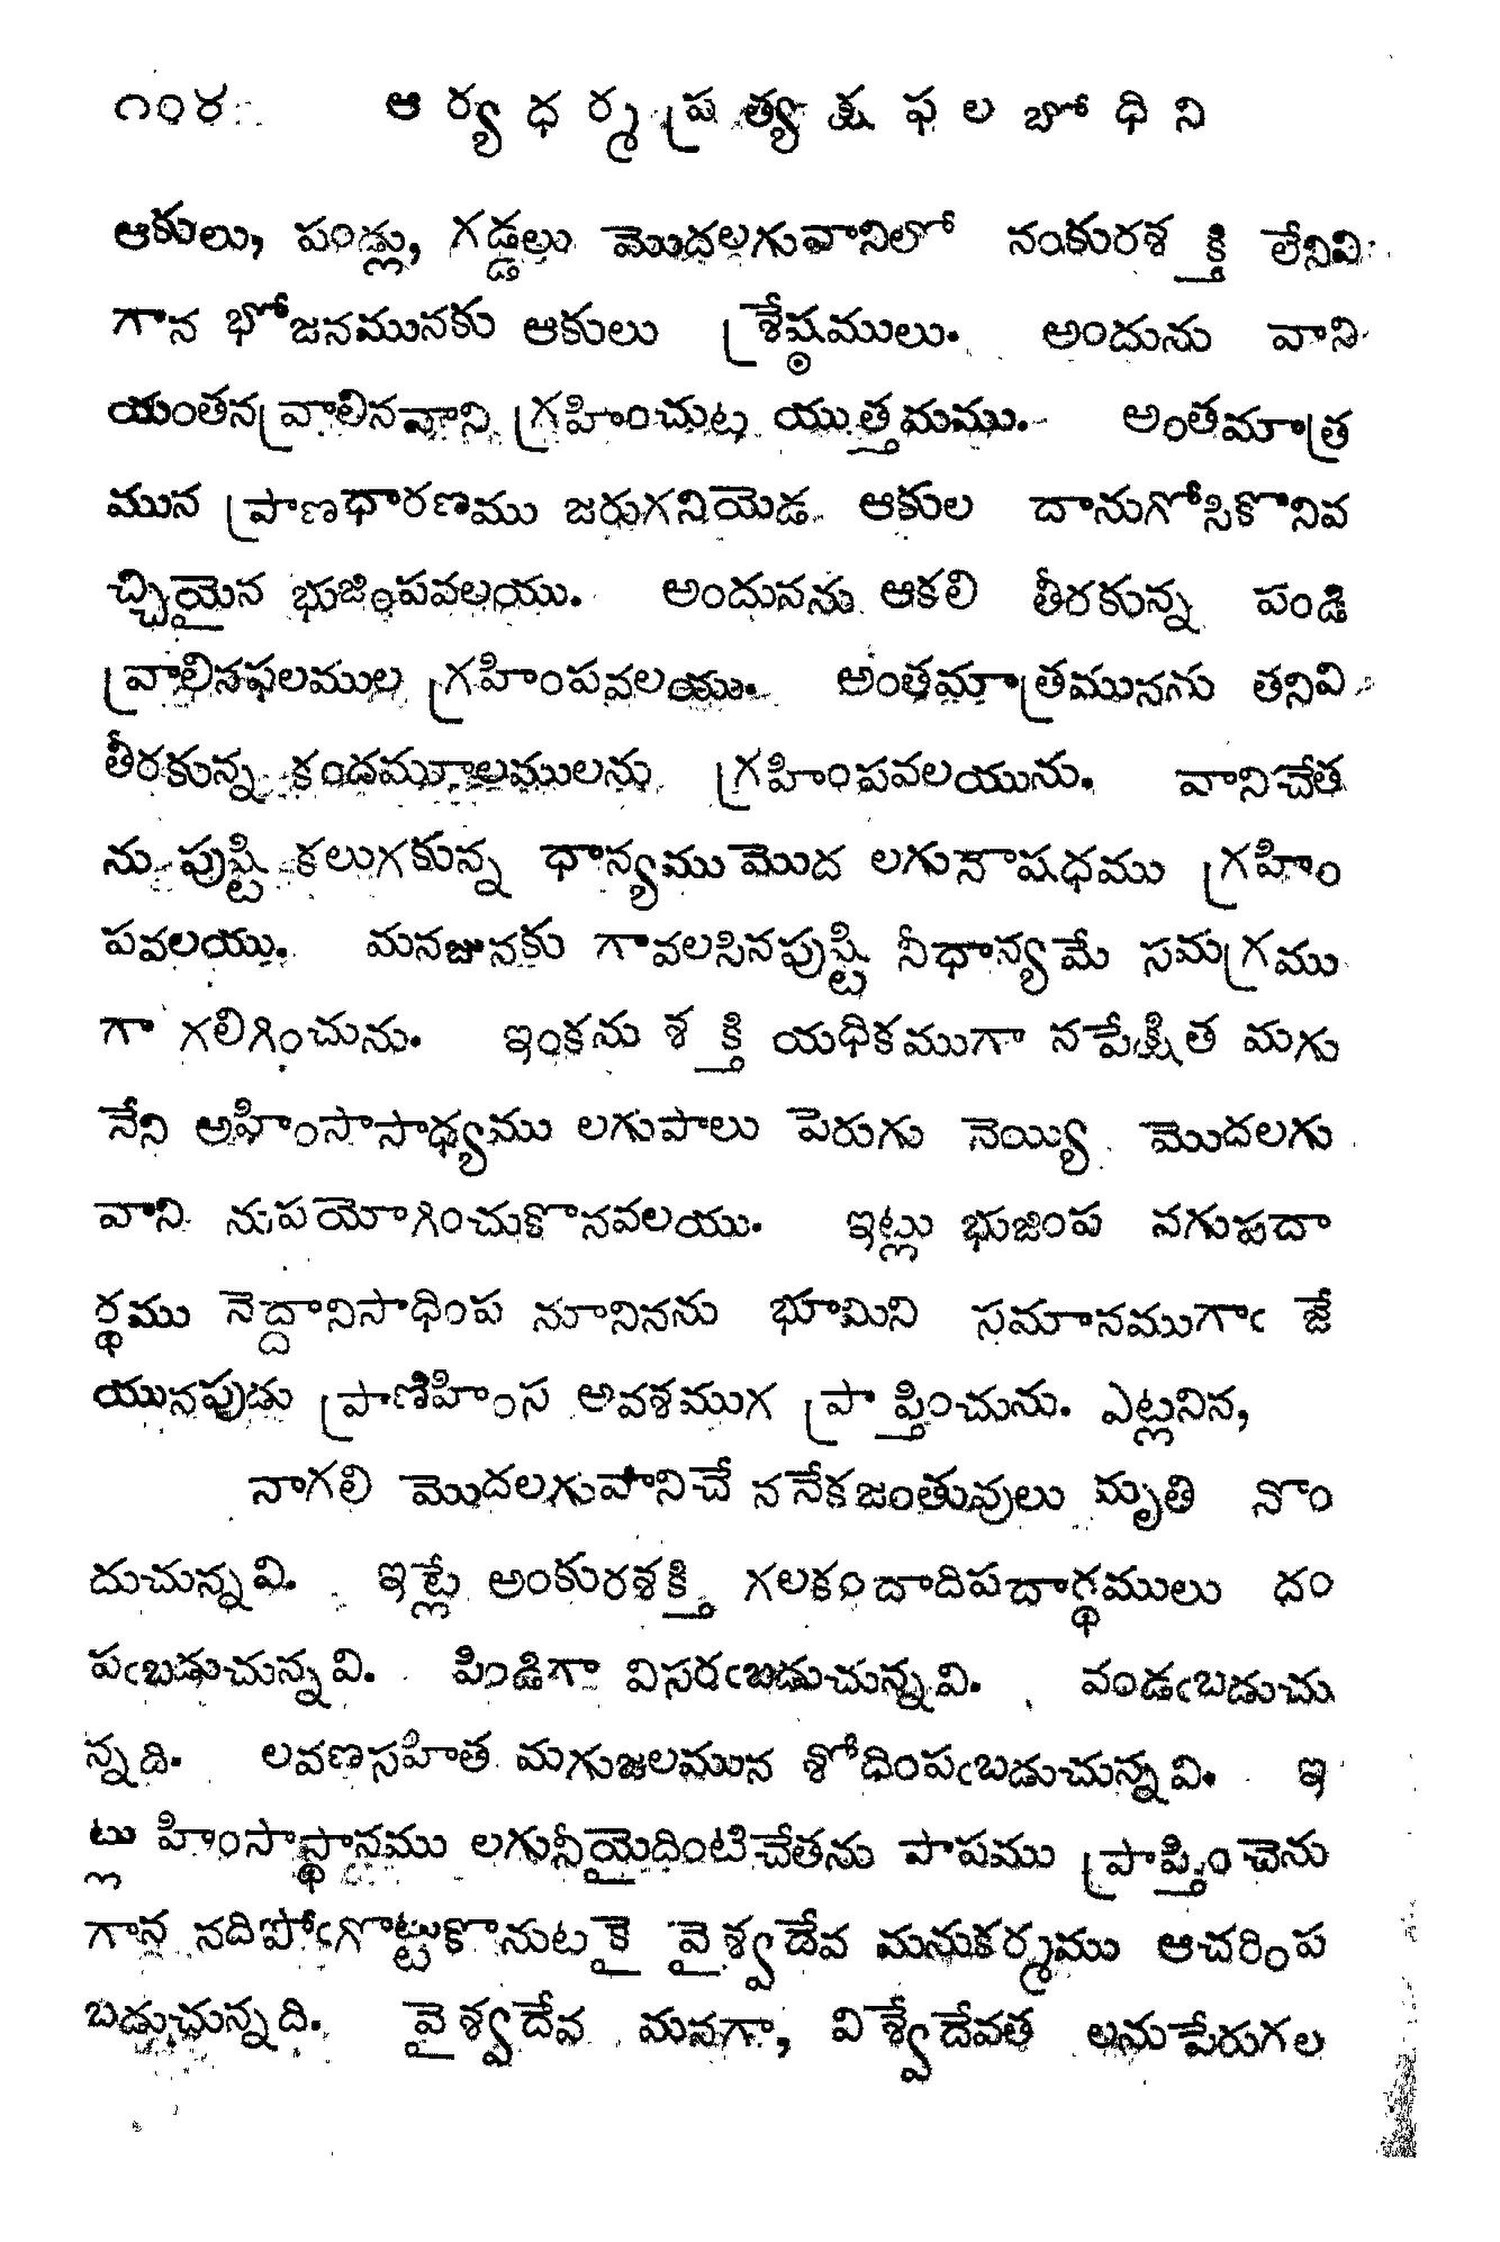ఆకులు, పండ్లు, గడ్డలు మొదలగువానిలో నంకురశక్తి లేనివి గాన భోజనమునకు ఆకులు శ్రేష్ఠములు. అందును వానియంతనవ్రాలినవాని గ్రహించుట యుత్తమము. అంతమాత్రమున ప్రాణధారణము జరుగనియెడ ఆకుల దానుగోసికొనివచ్చియైన భుజింపవలయు. అందునను ఆకలి తీరకున్న పండి
వ్రాలినఫలముల గ్రహింపవలయు. అంతమాత్రమునను తనివితీరకున్న కందమూలములను గ్రహింపవలయును. వానిచేతను పుష్టి కలుగకున్న ధాన్యము మొదలగునౌషధము గ్రహింపవలయు. మనజునకు గావలసినపుష్టి నీధాన్యమే సమగ్రముగా గలిగించును. ఇంకను శక్తి యధికముగా నపేక్షిత మగునేని అహింసాసాధ్యము లగుపాలు పెరుగు నెయ్యి మొదలగువాని నుపయోగించుకొనవలయు. ఇట్లు భుజింప నగుపదార్థము నెద్దానిసాధింప నూనినను భూమిని సమానముగాఁ జేయునపుడు ప్రాణిహింస అవశముగ ప్రాప్తించును. ఎట్లనిన,

నాగలి మొదలగువానిచే ననేకజంతువులు మృతి నొందుచున్నవి. ఇట్లే అంకురశక్తి గలకందాదిపదార్థములు ధంపఁబడుచున్నవి. పిండిగా విసరఁబడుచున్నవి. వండఁబడుచున్నది. లవణసహిత మగుజలమున శోధింపఁబడుచున్నవి. ఇట్లు హింసాస్థానము లగునీయైదింటిచేతను పాపము ప్రాప్తించెను గాన నదిపోఁగొట్టుకొనుటకై వైశ్వదేవ మనుకర్మము ఆచరింపబడుచున్నది. వైశ్వదేవ మనగా, విశ్వేదేవత లనుపేరుగల